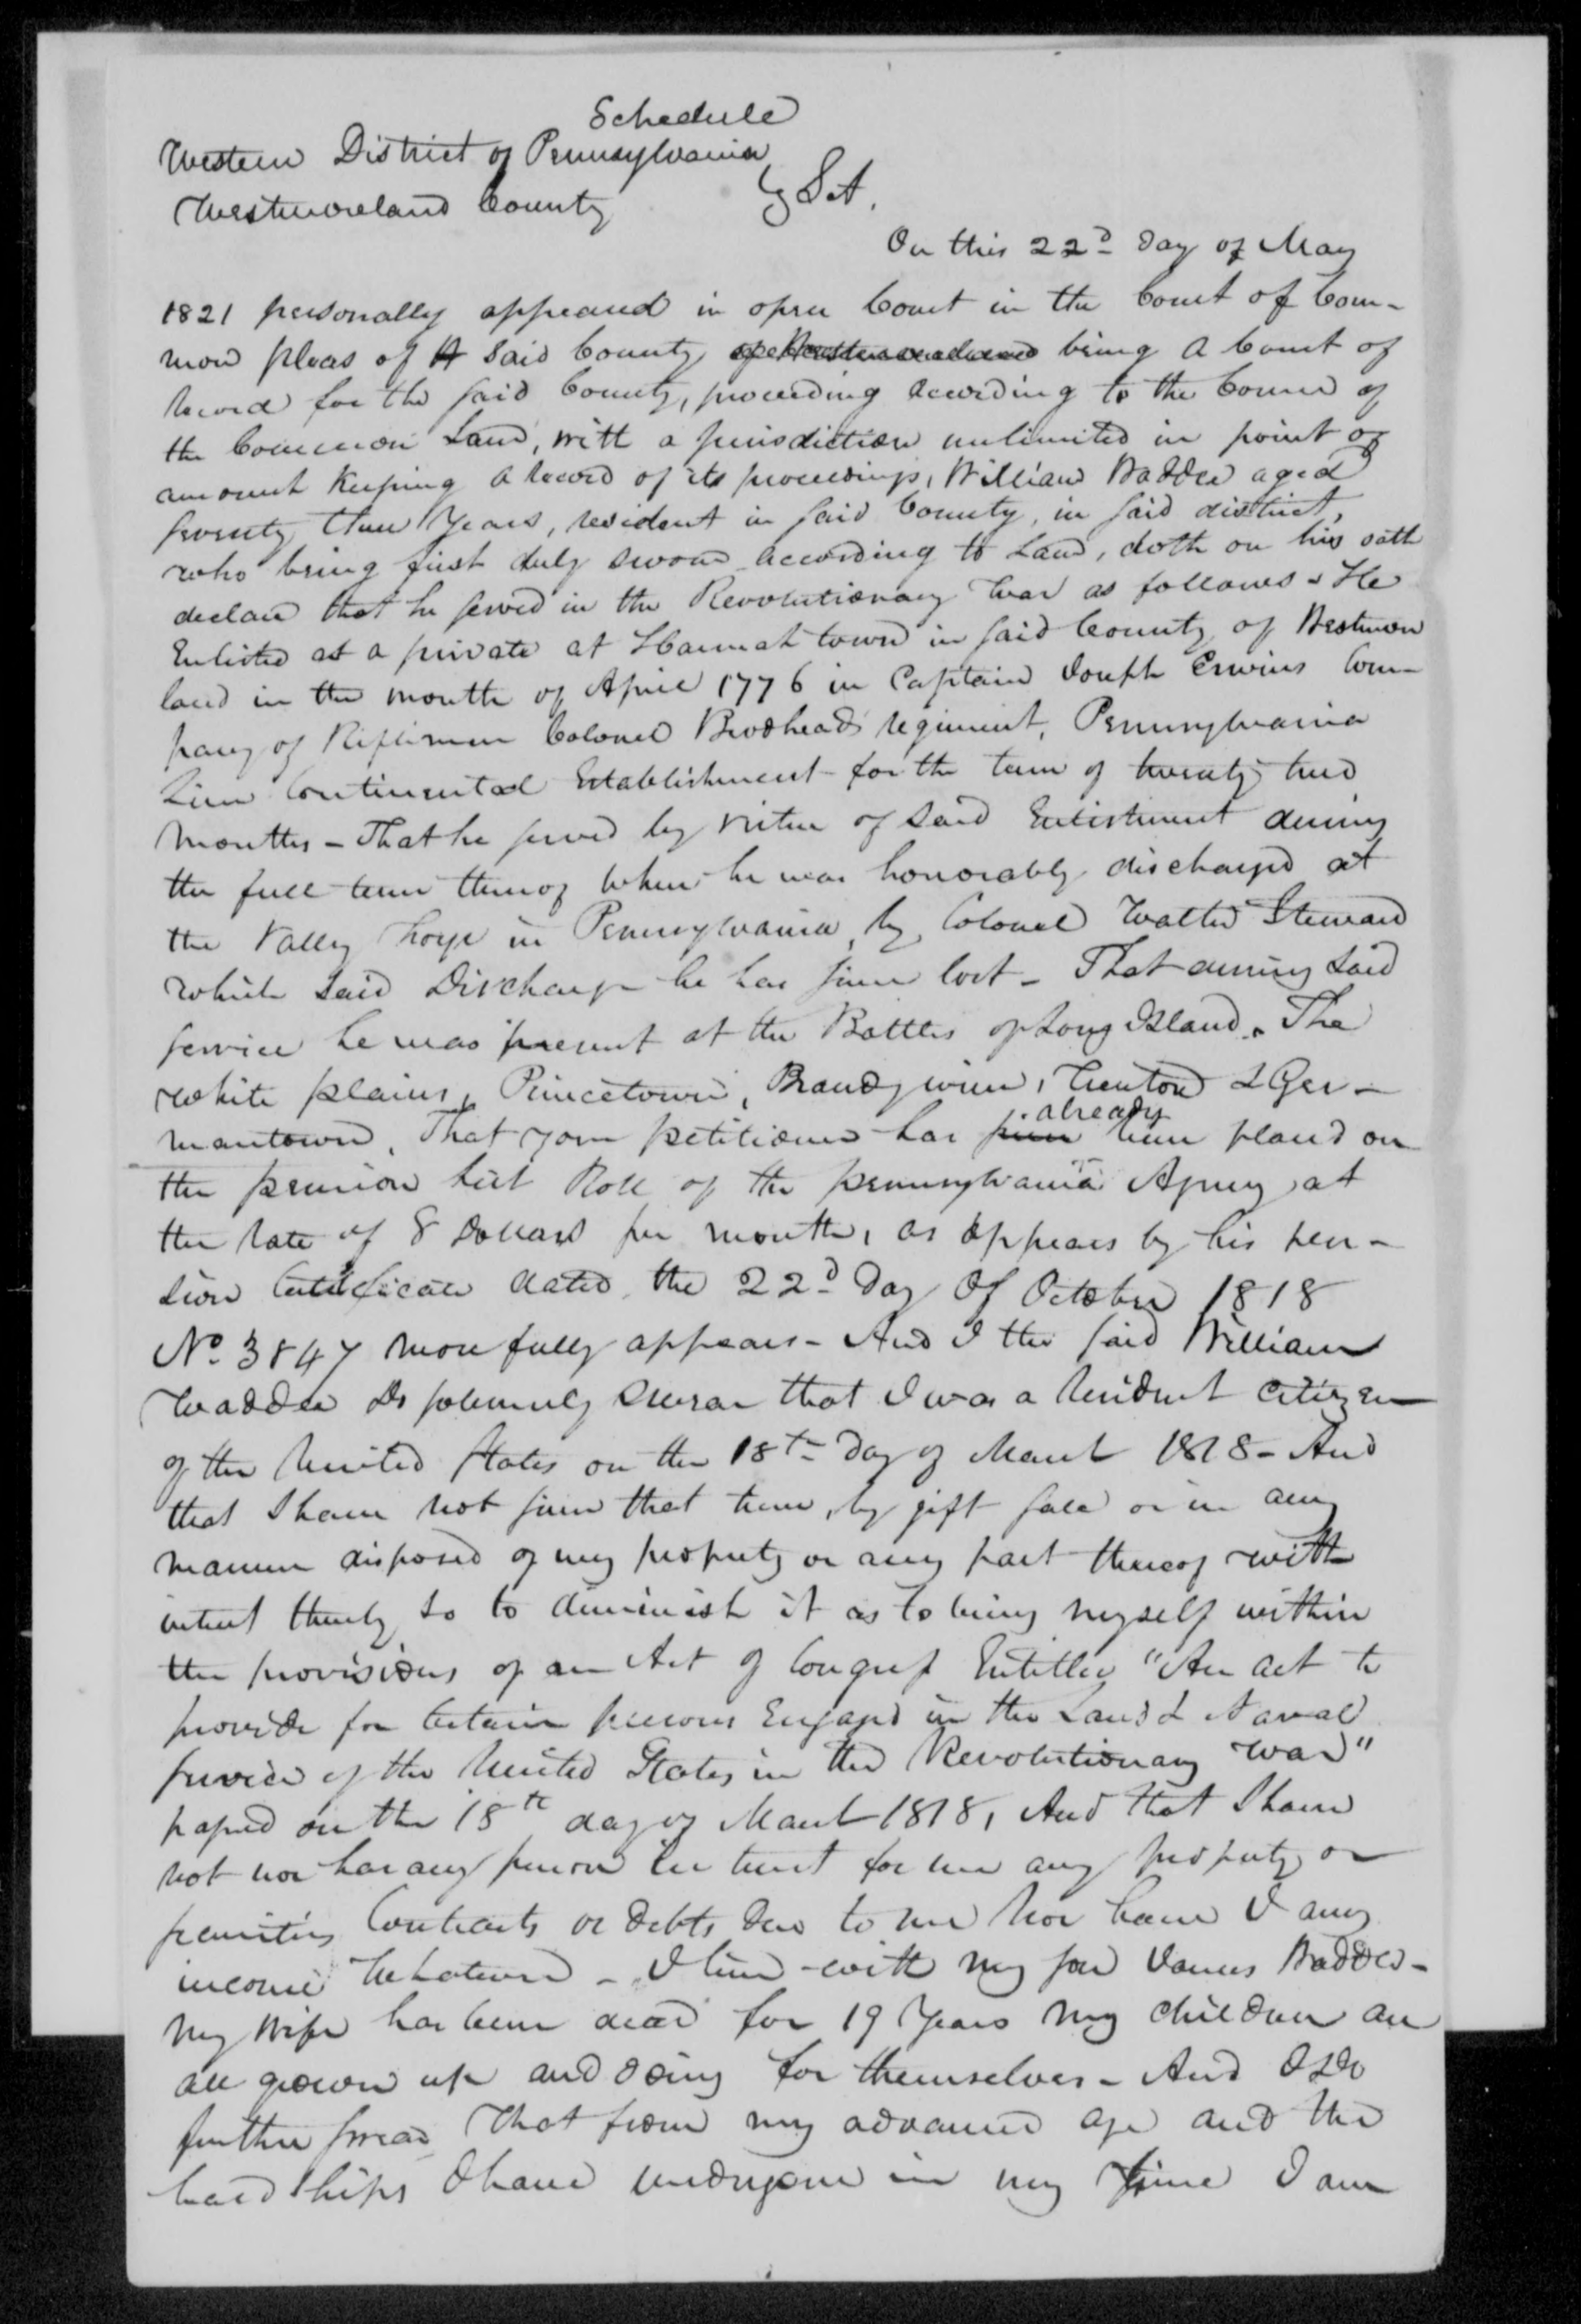Schedule
Western District of Pennsylvania}
Westmoreland County} Sct.
On this 22d day of May 1821 personally appeared in open Court in the Court of Common pleas of said County and being a Court of Record for the said County, proceeding according to the Course of the Common Land, with a jurisdiction unlimited in point of amount keeping a record of its proceedings, William Waddle aged Seventy three years, resident in said County, in said district, who being first duly sworn according to Law, doth on his oath declare that he served in the Revolutionary war as follows. He enlisted as a private at Hannah town in said County of Westmoreland in the month of April 1776 in Captain Joseph Erwins Company of Rifleman Colonel Brodhead's Regiment, Pennsylvania Line Continental establishment for the term of twenty two months- That he served by virtue of said Enlistment during the full term  thereof when he was honorably discharged at the Vally [illegible] in Pennsylvania by Colonel Walter Steward which said Discharge he has since lost. That during said service he was present at the Battles of Long Island, The White Plains, Princeton, Brandywine, Trenton & Germantown. That your petitioner has already been placed on the pension list Roll of the Pennsylvania Agency at the rate of 8 Dollars per month, as appears by his pension certificate dated the 22d day of October 1818 No 3847 more fully appears. And I the said William Waddle do solemnly swear that I was a resident citizen of the United States on the 18th day of March 1818 - And that I have not since that time by gift sale or in any manner disposed of my property or any part thereof with intent thereby so to diminish it as to bring myself within the provisions of an Act of Congress entitled "An act to provide for certain persons engaged in the Land & Naval service of the United States in the Revolutionary war" passed on the 18th day of March 1818, and that I have not nor has any person in trust for me any property or securities Contracts or debts due to me nor have I any income [illegible] -- I live with my son James Waddle - my wife has been dead for 19 years my children are all grown up and doing for themselves-- And I do further swear that from my advanced age and the hardships I have undergone in my time I am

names: William Waddle, Walter Steward, Joseph Erwins, Vanus Waddle, William Waddle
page: 4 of 42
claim: survivor's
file: S. 40645, William Waddle, Penn.